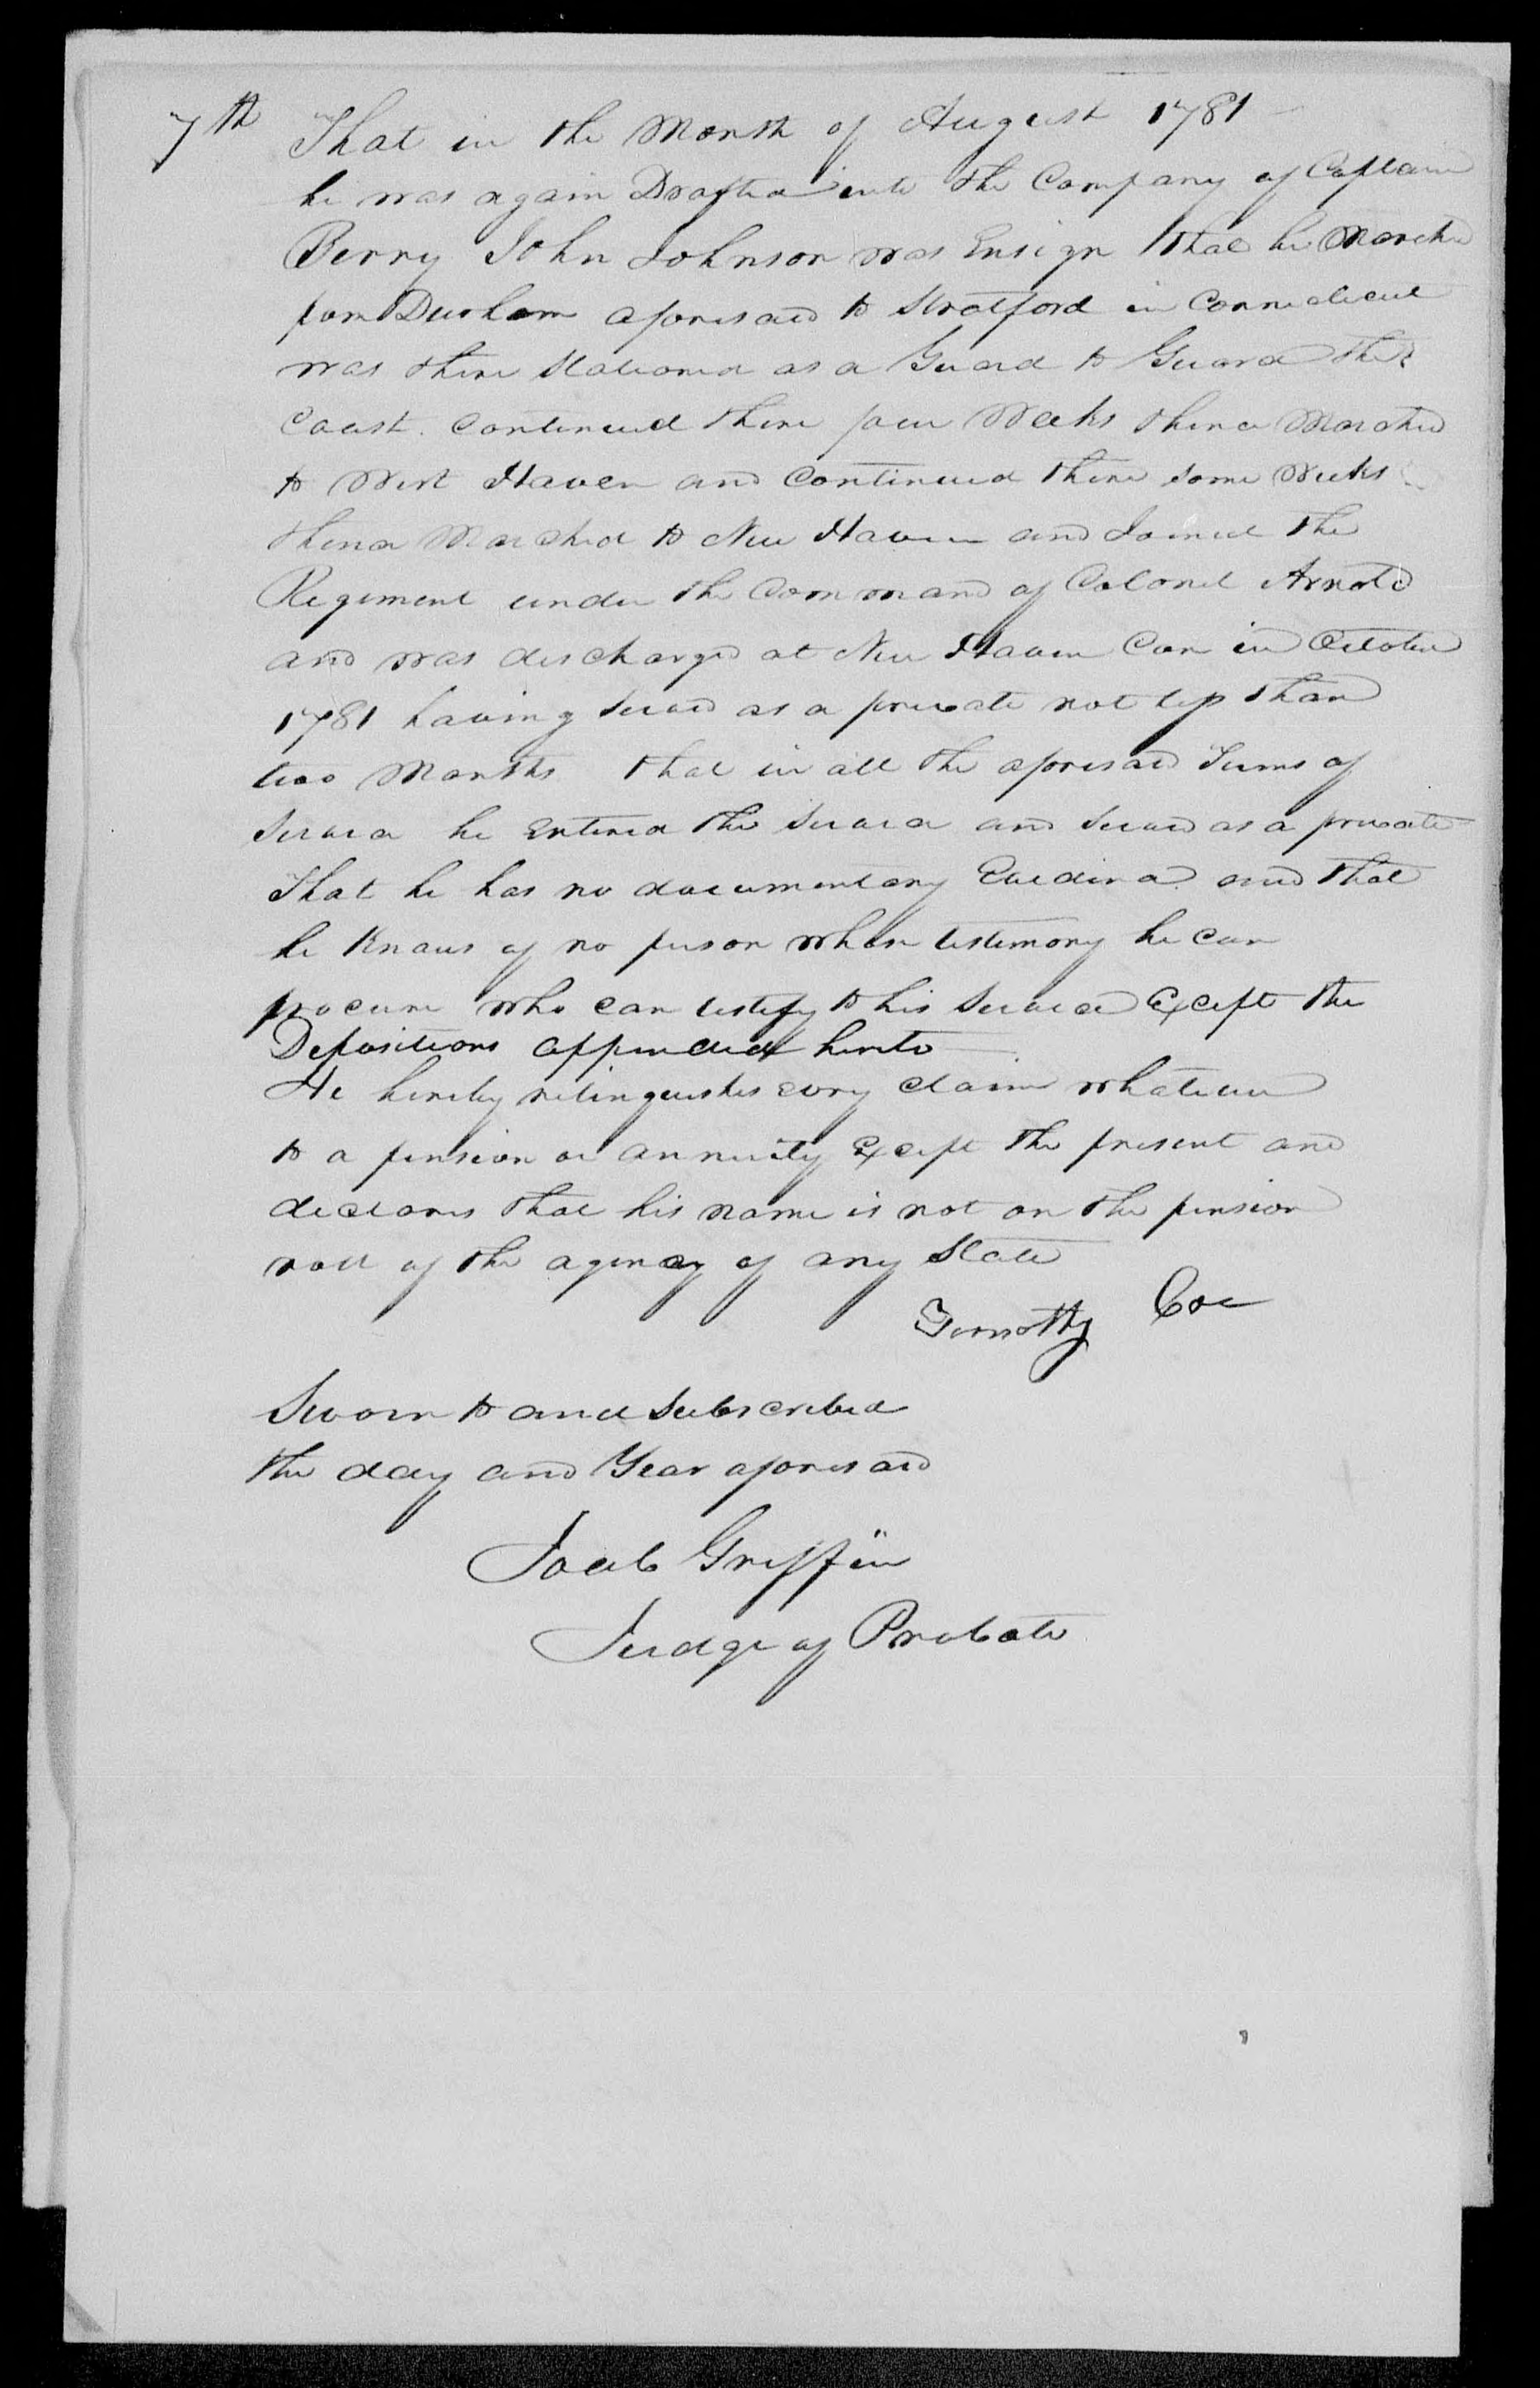7th
That in the month of August 1781 he was again drafted into the company of Captain Berry John Johnson was Ensign that he marched from Dunham aforesaid to Stratford in Connecticut was then stationed as a Guard to Guard the coast.  Continued there four weeks thence marched to West Haven and continued there some weeks thence marched to New Haven and joined the Regiment under the command of Colonel Arnold and was discharged at New Haven Con in October 1781 having served as a private not less than two months that in all the aforesaid time of service he entered the service and served as a private That he has no documentary evidence and that he knows of no person whose testimony he can procure who can testify to his service except the Depositions appended hereto
He herby relinquishes every claim whatever to a pension or annuity except the present and declares that his name is not on the pension roll of the agency of any state
Timothy Coe

Sworn to and subscribed the day and year aforesaid
Joab Griffin
Judge of Probate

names: Berry John Johnson, Arnold, Timothy Coe, Joab Griffin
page: 68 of 76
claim: widow's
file: W. 5,250, Timothy Coe, Conn.